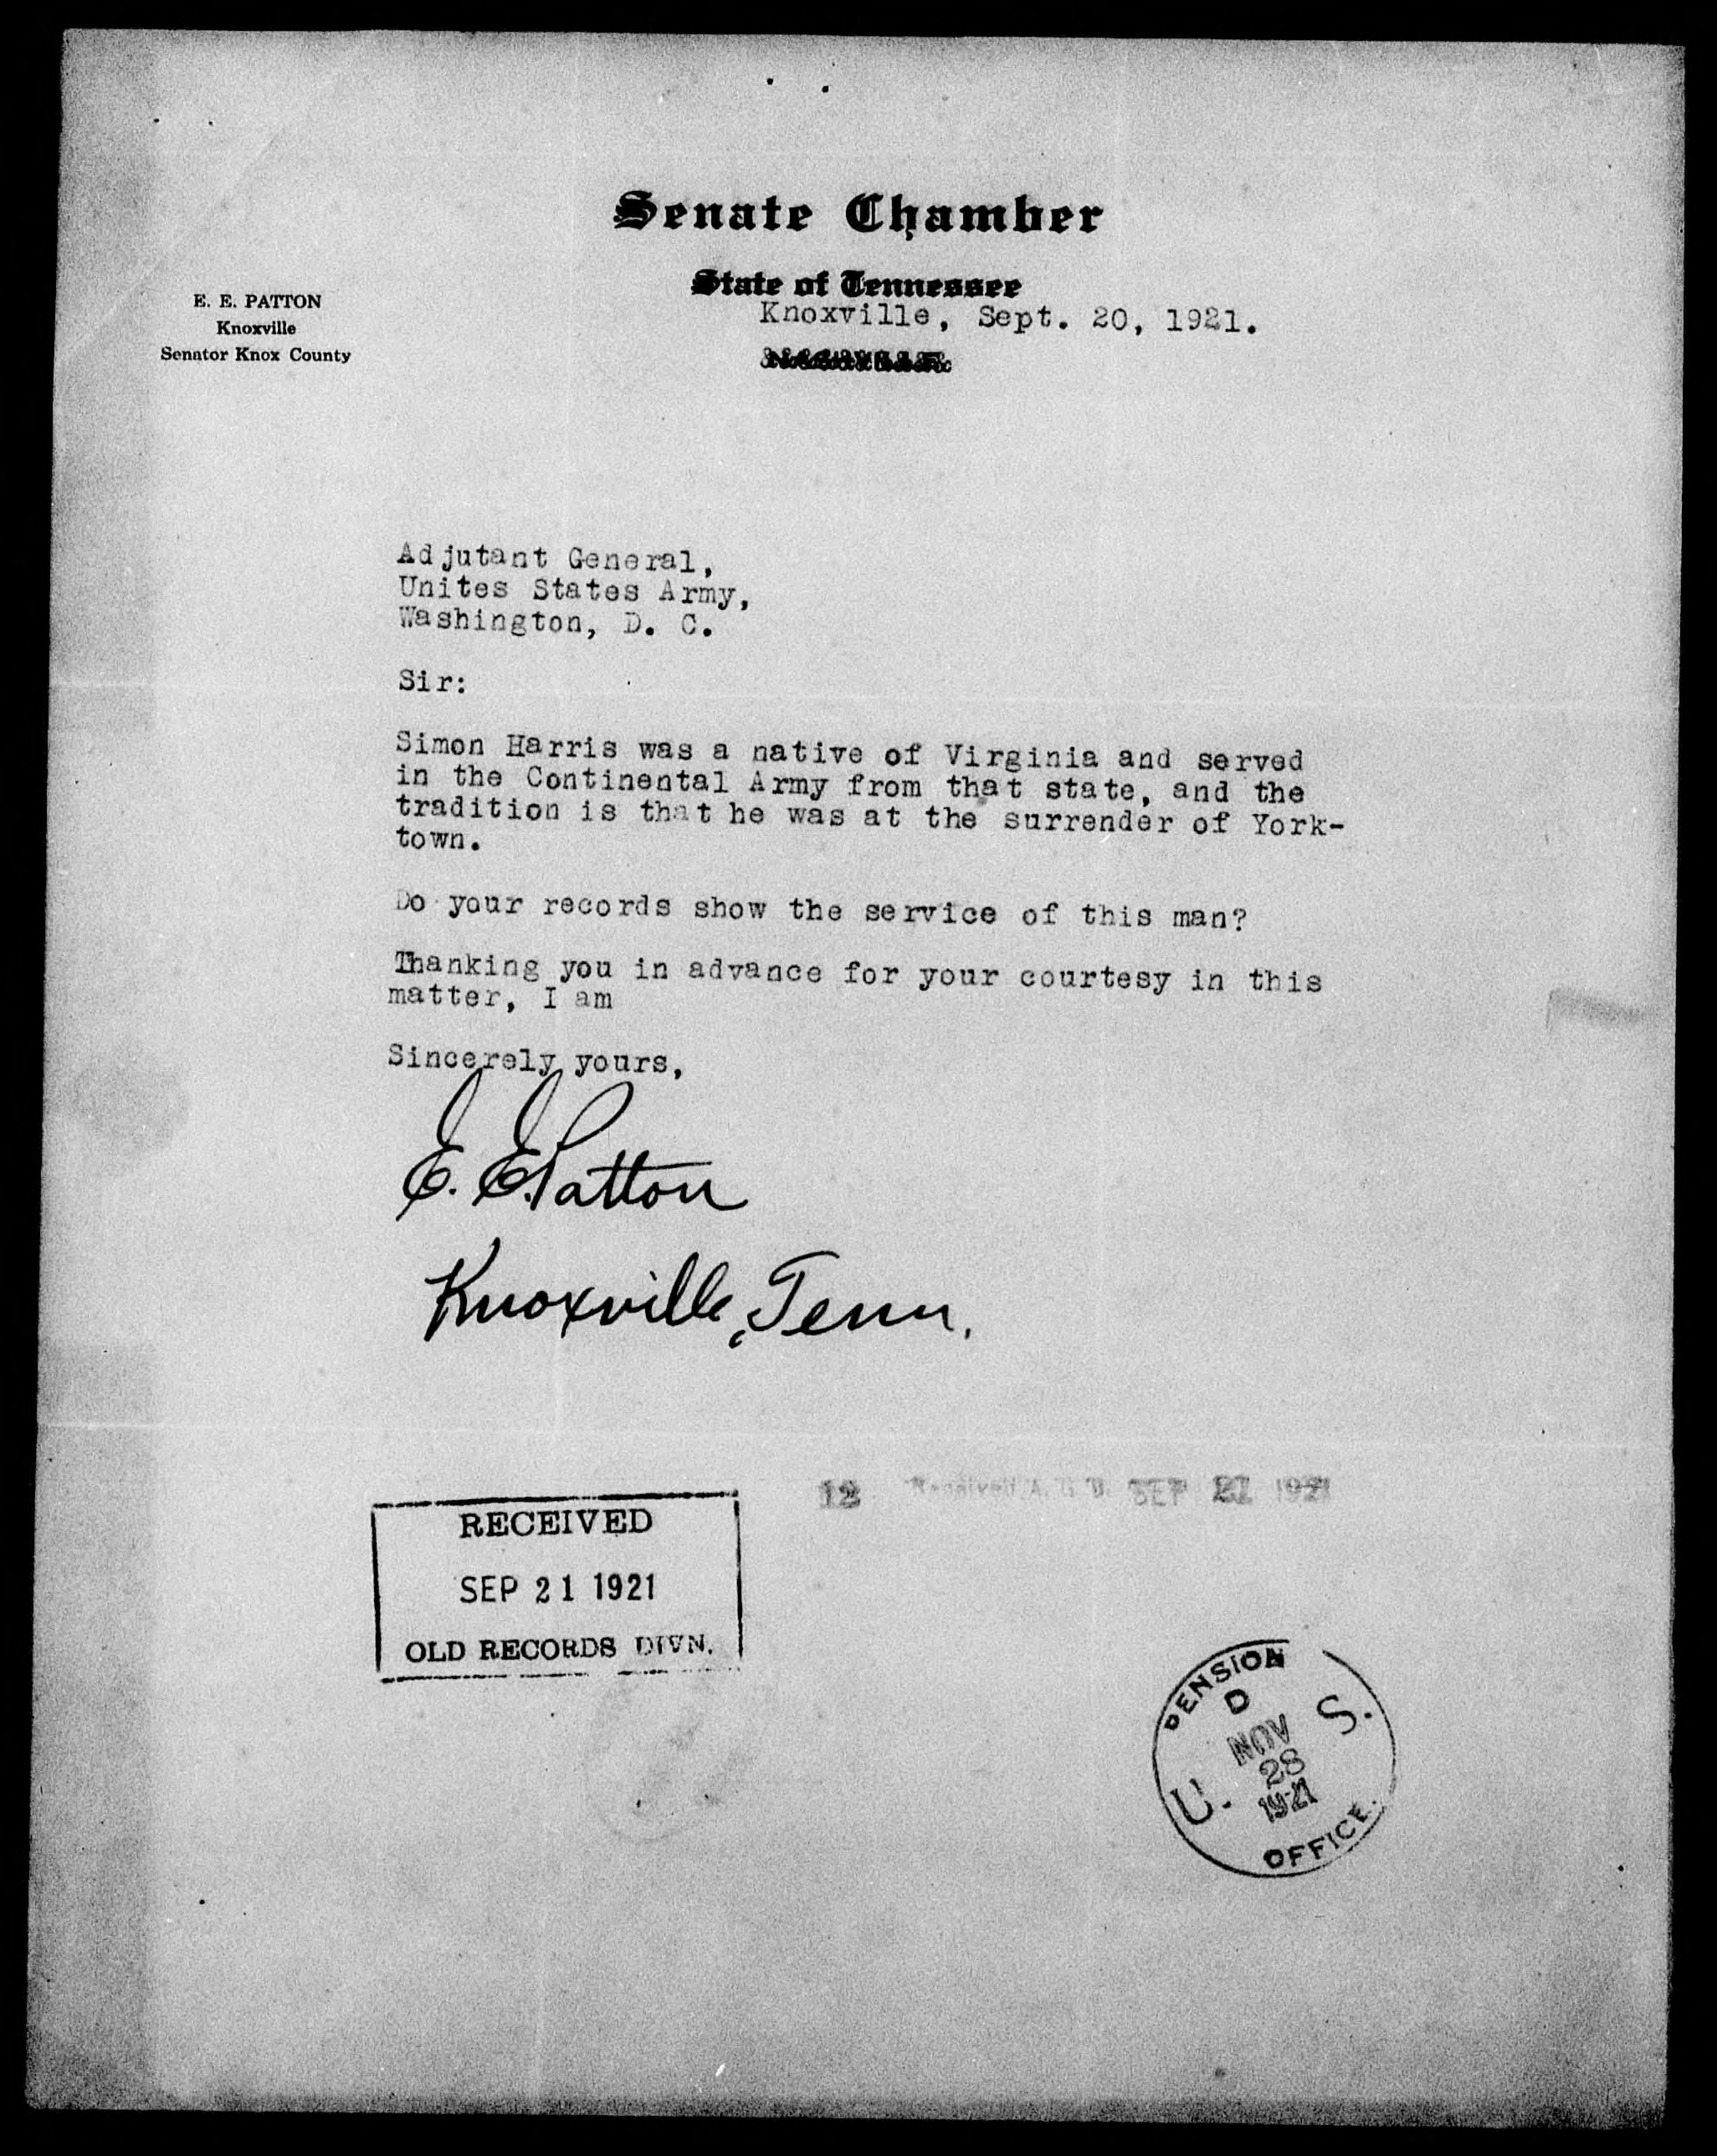Senate Chamber
State of Tennessee
Knoxville, Sept. 20, 1921.

E.E. Patton
Knoxville
Senator Knox County

Adjutant General,
United States Army,
Washington, D.C.

Sir:

Simon Harris was a native of Virginia and served in the Continental Army from that state, and the tradition is that he was at the surrender of Yorktown. 

Do your records show the service of this man?

Thanking you in advance for your courtesty in this matter, I am 

Sincerely yours,

E. E. Patton
Knoxville, Tenn.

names: Simon Harris, E E Patton, E E Patton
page: 19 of 24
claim: rejected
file: R. 4684, Simon Harris, Va.